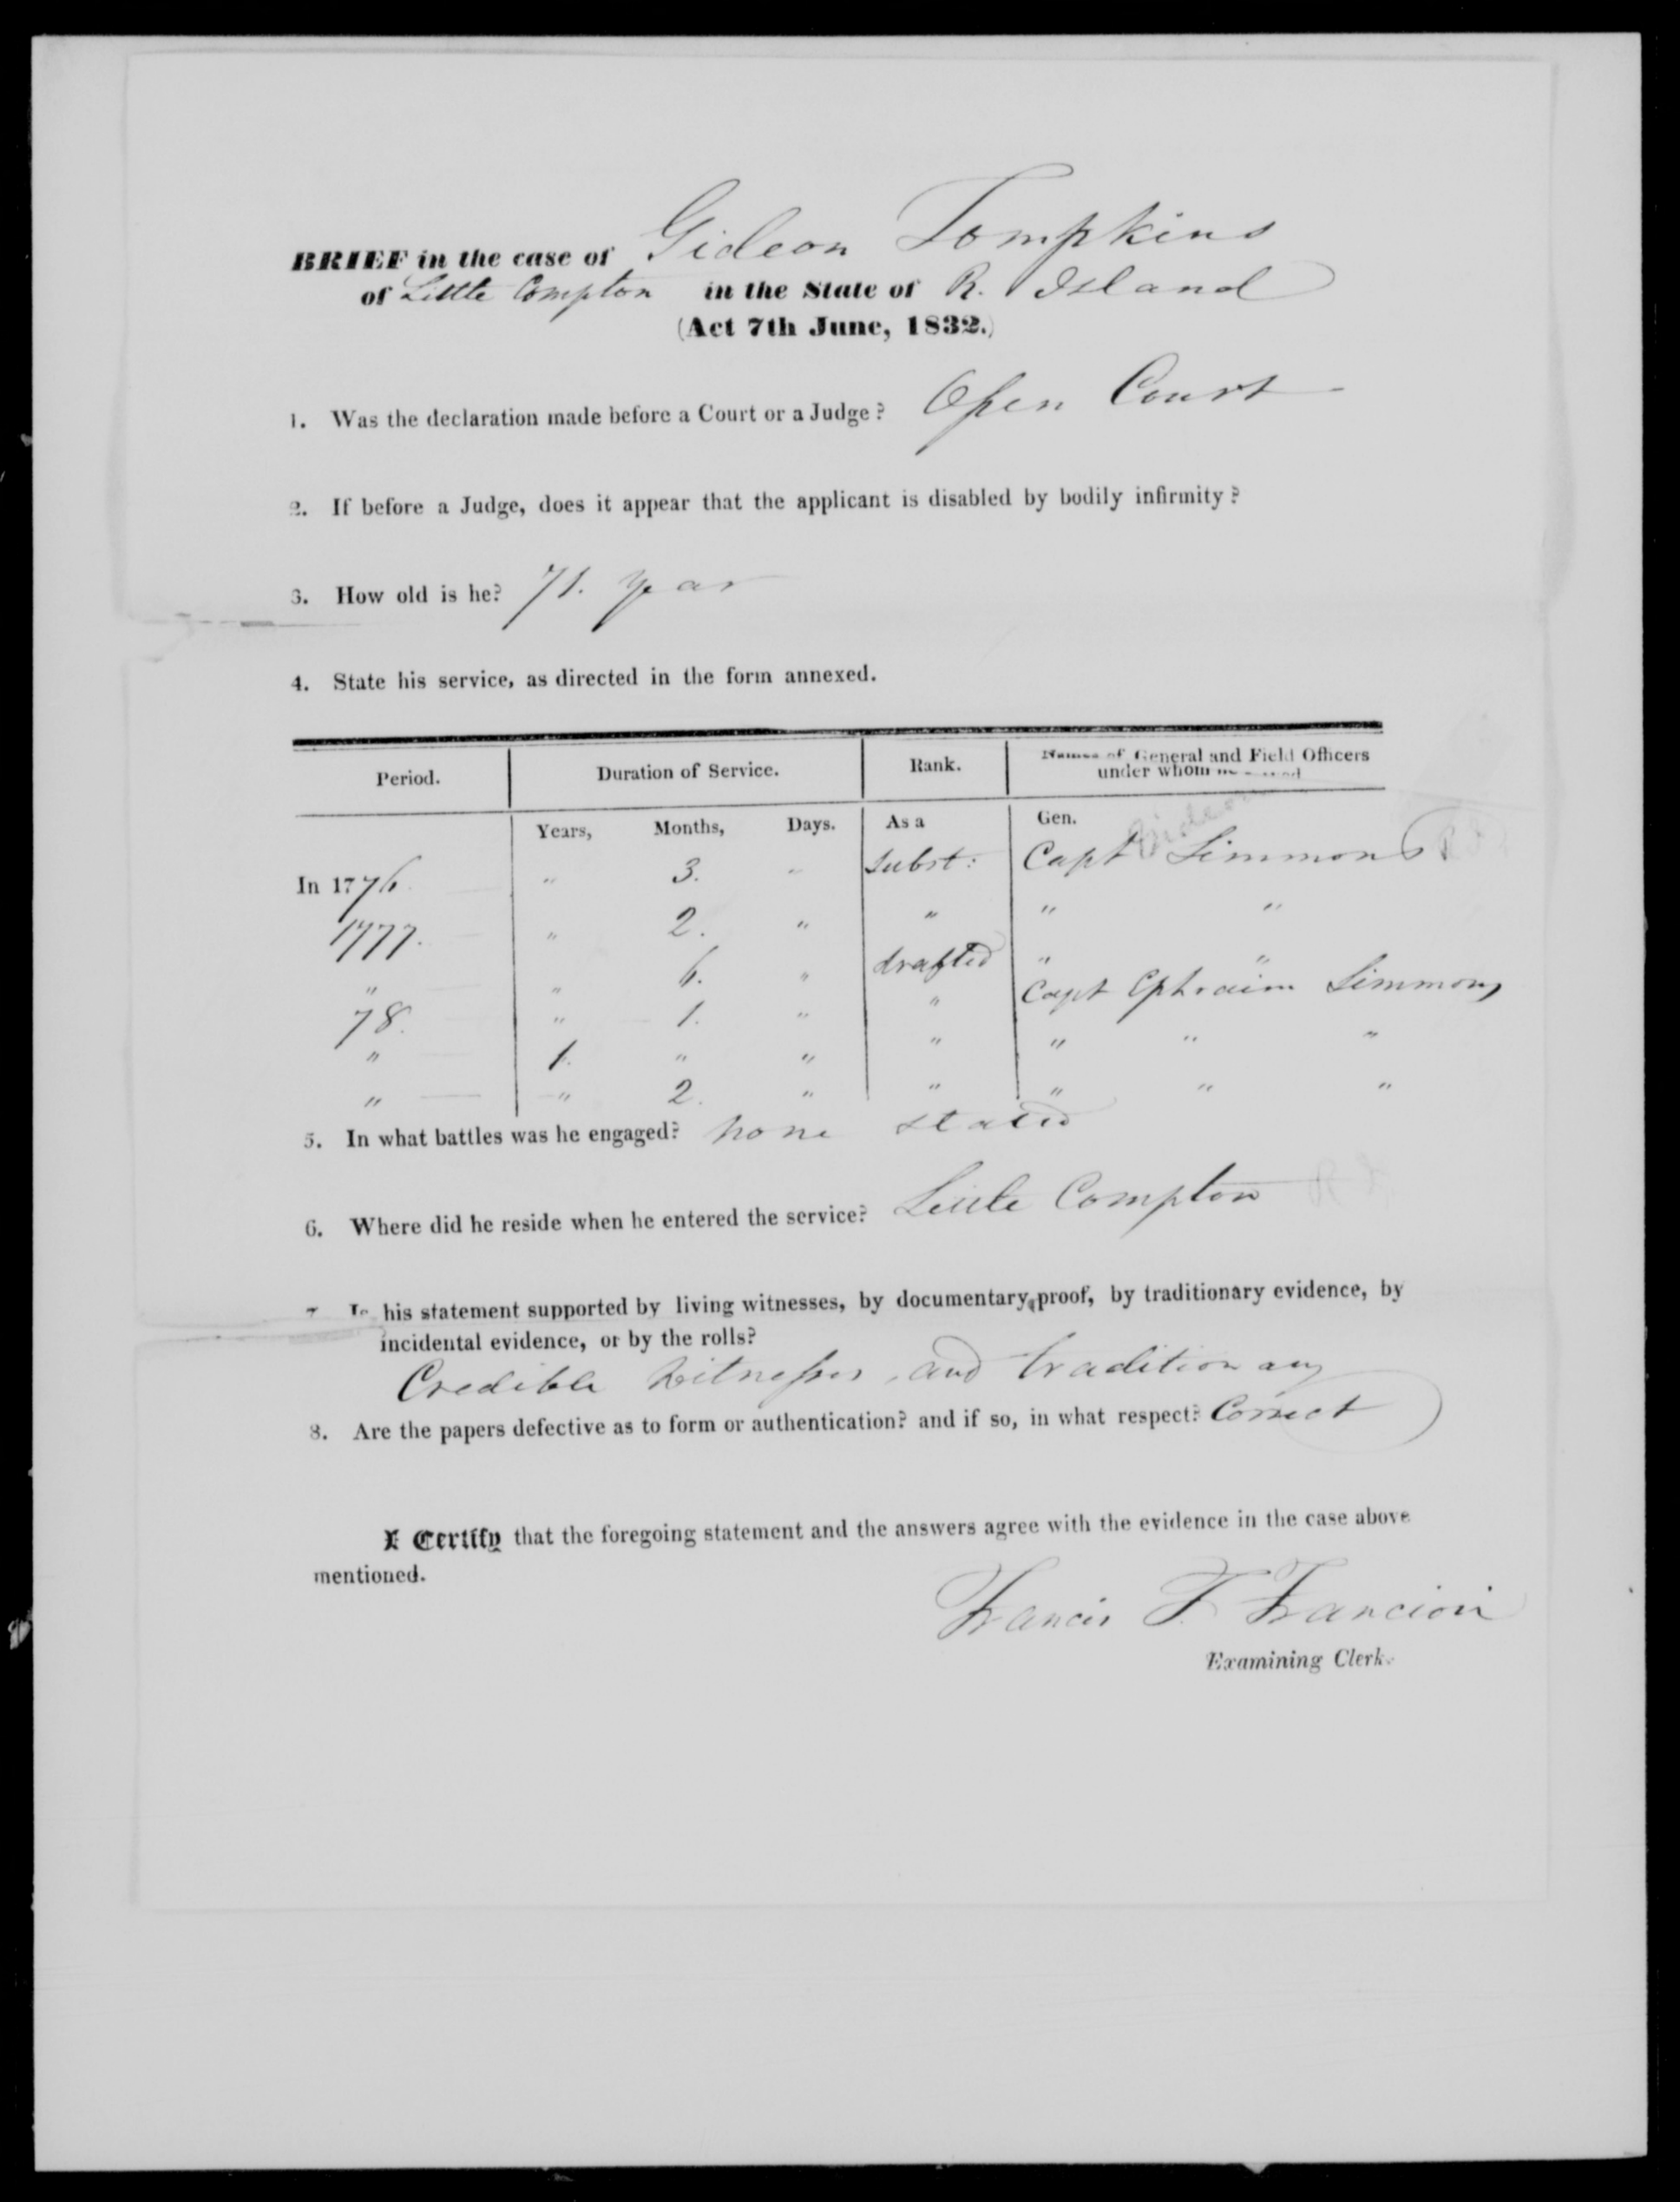Brief in the case of Gideon Tompkins
of Little Compton in the state of R. Island
(Act 7th June, 1832)

1. Was the declaration made before a Court or a Judge? Open Court

2. If before a Judge, does it appear that the applicant is disabled by bodily infirmity?

3. How old is he? 71 yearshttps://catalog.archives.gov/images/misc/drag.png

4. State his service, as directed in the form annexed.

Period            Duration of Service         Rank           Names of General and Field Officer
                      Years, Months, Days         As a                   under whom served
                                                                                         Gen.
In 1776            "       3         "                 Inlist:              Capt. [Biden?] Simmons 
    1777            "       2         "                    "                       "             "
      "                 "       6        "                  Drafted               "             "
       78              "       1        "                    "                   Capt Ephraim Simmons
      "                 1       "         "                    "                    "                 "               "
      "                  "       2        "                    "                    "                 "               "

5. In what battles was he engaged? None stated

6. Where did he reside when he entered the service?  Little Compton

7.  Is his statement supported by living witnesses, by documentary proof, by traditionary evidence, by
incidental evidence, or by the rolls?  Credible witnesses, and traditionary

8. Are the papers defective as to form or authentication? and if so, in what respect? Correct

I certify that the foregoing statement and the answers agree with the evidence in the case above mentioned.

Francis F Francioni
Examining Clerk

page: 4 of 25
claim: survivor's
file: S. 22,023, for Gideon Tompkins, Rhode Island